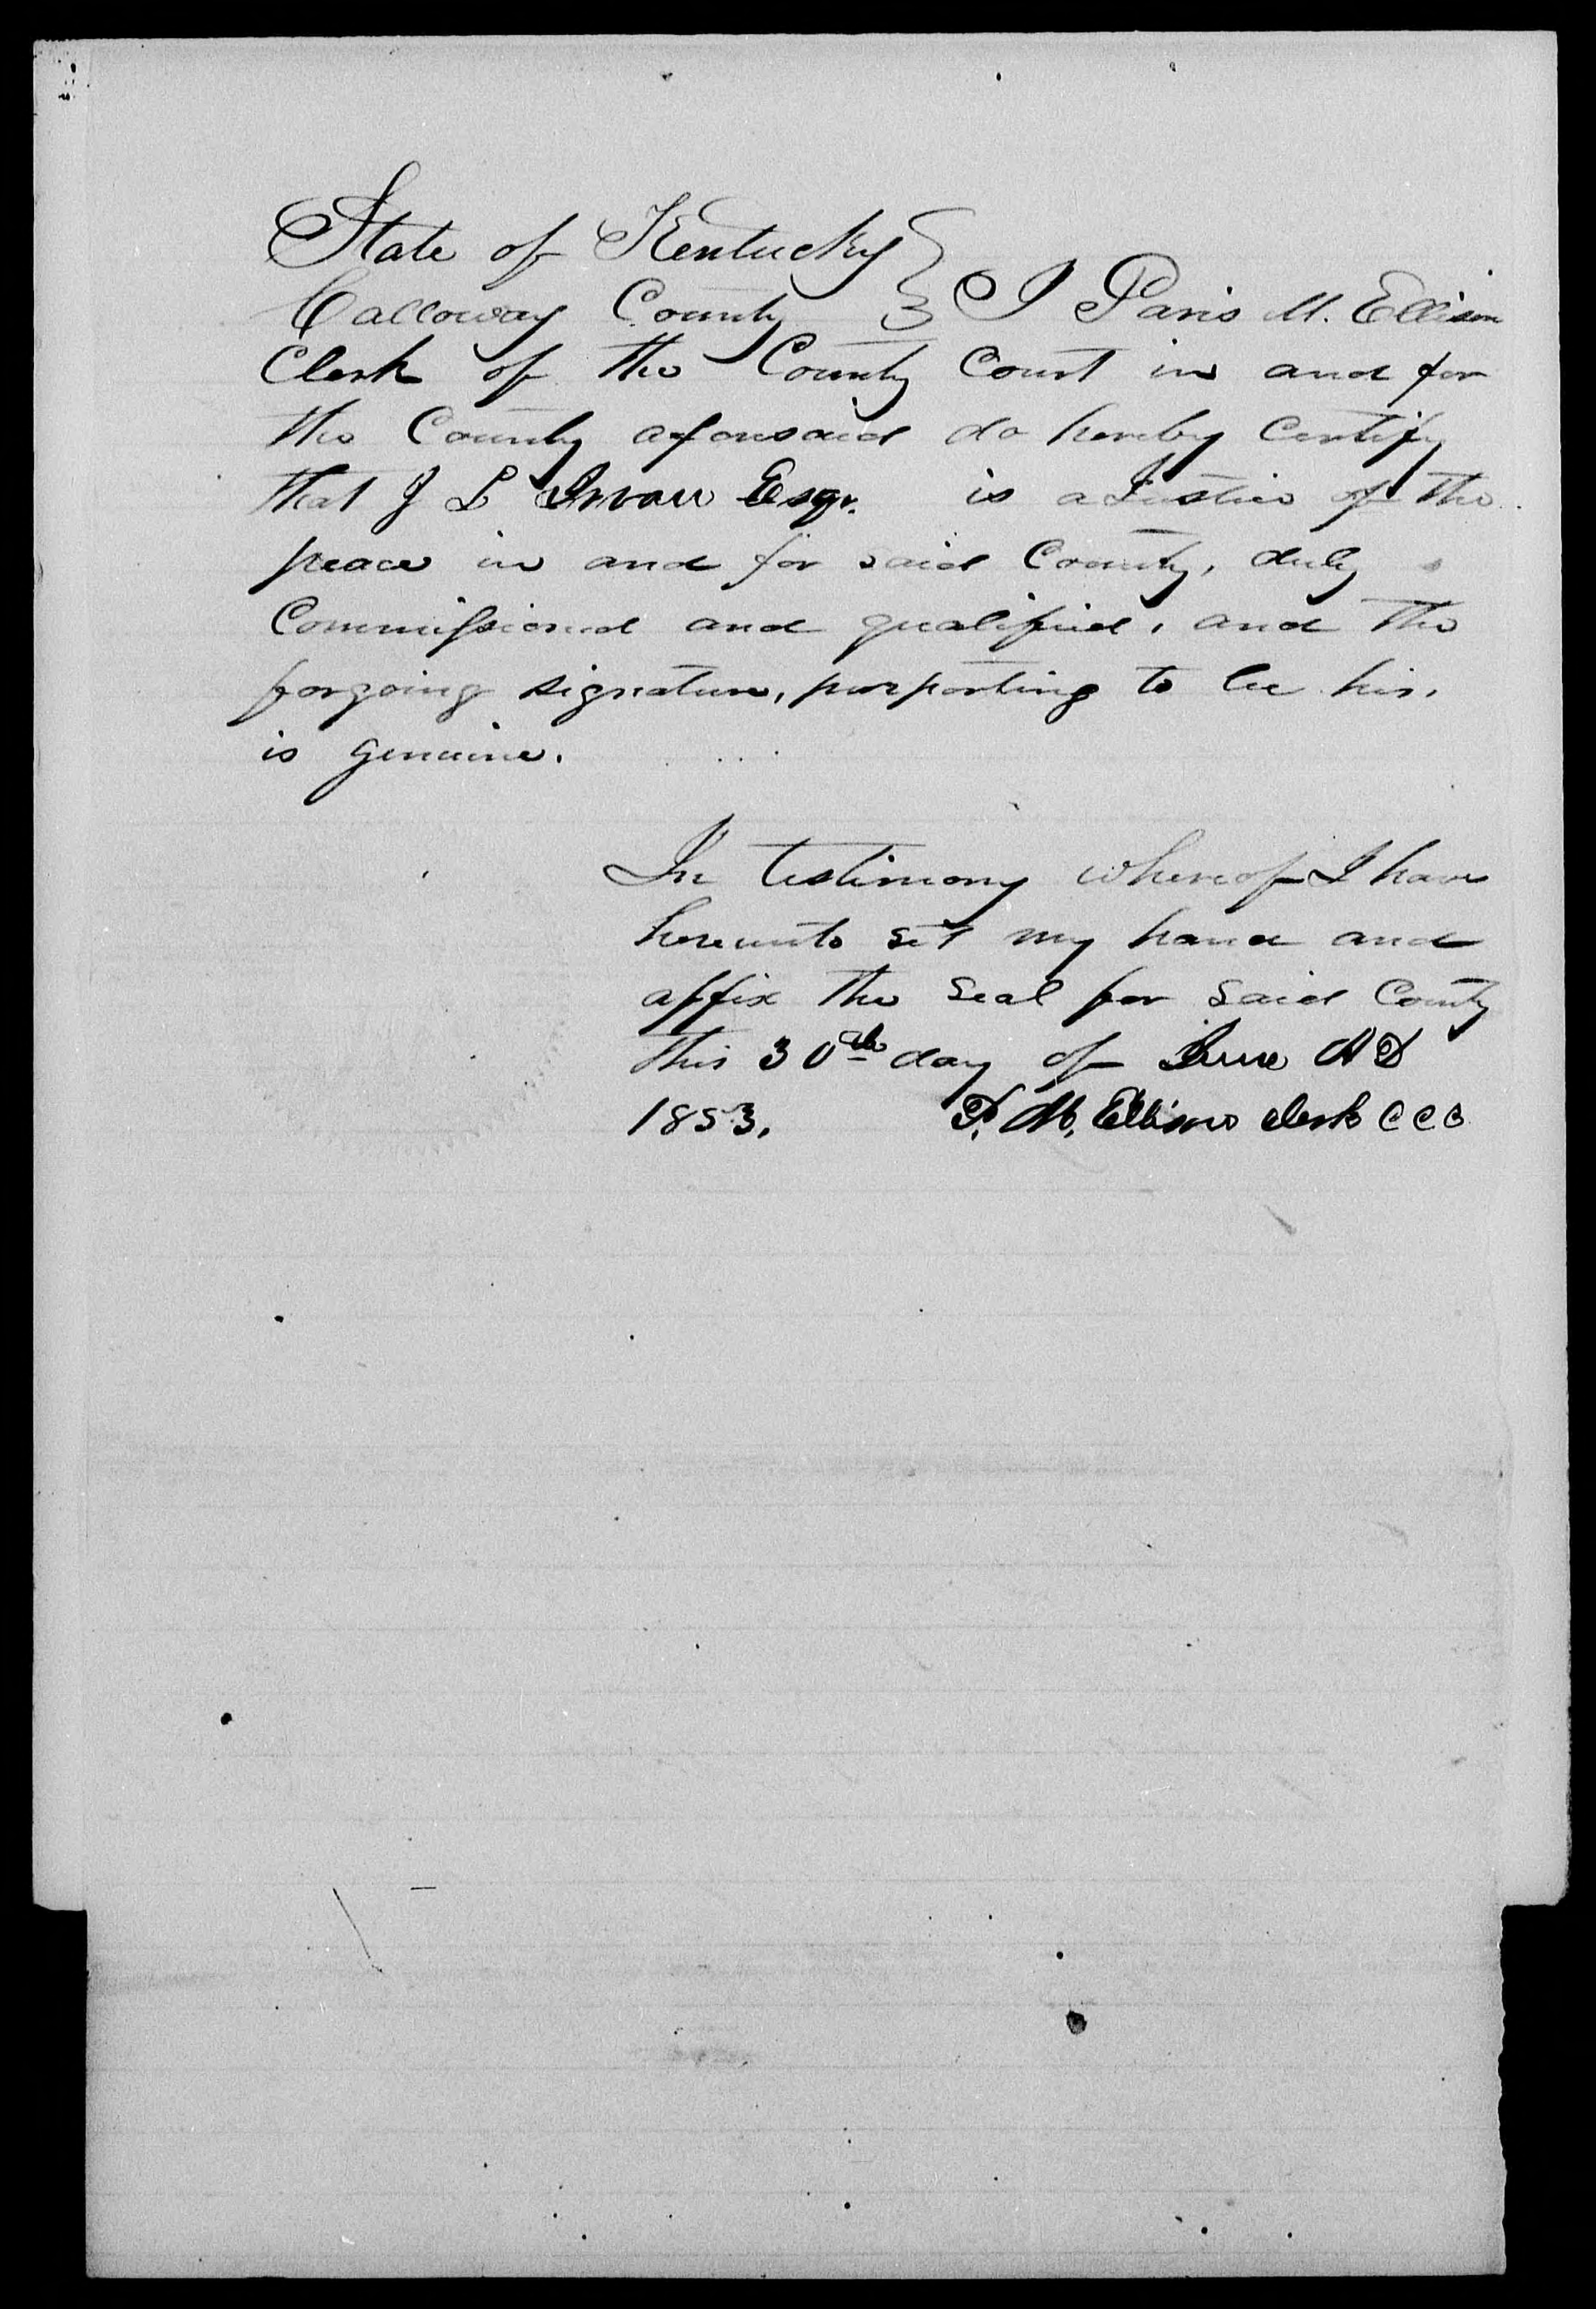State of Kentucky
Calloway County

I Paris M Ellison clerk of the county court in and for the county aforesaid do hereby certify that J L Irvan Esqr is a Justice of the Peace in and for said county, duly commissioned and qualified, and the foregoing signature purporting to be his is genuine.

In Testimony whereof I have hereunto set my hand and affix the seal for said county this 30th day of June AD 1853

P M Ellison - Clerk CCC

SEAL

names: Paris M Ellison, P M Ellison, J L Irvan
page: 38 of 51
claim: widow's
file: W. 27,409, William Dunnington, Md.